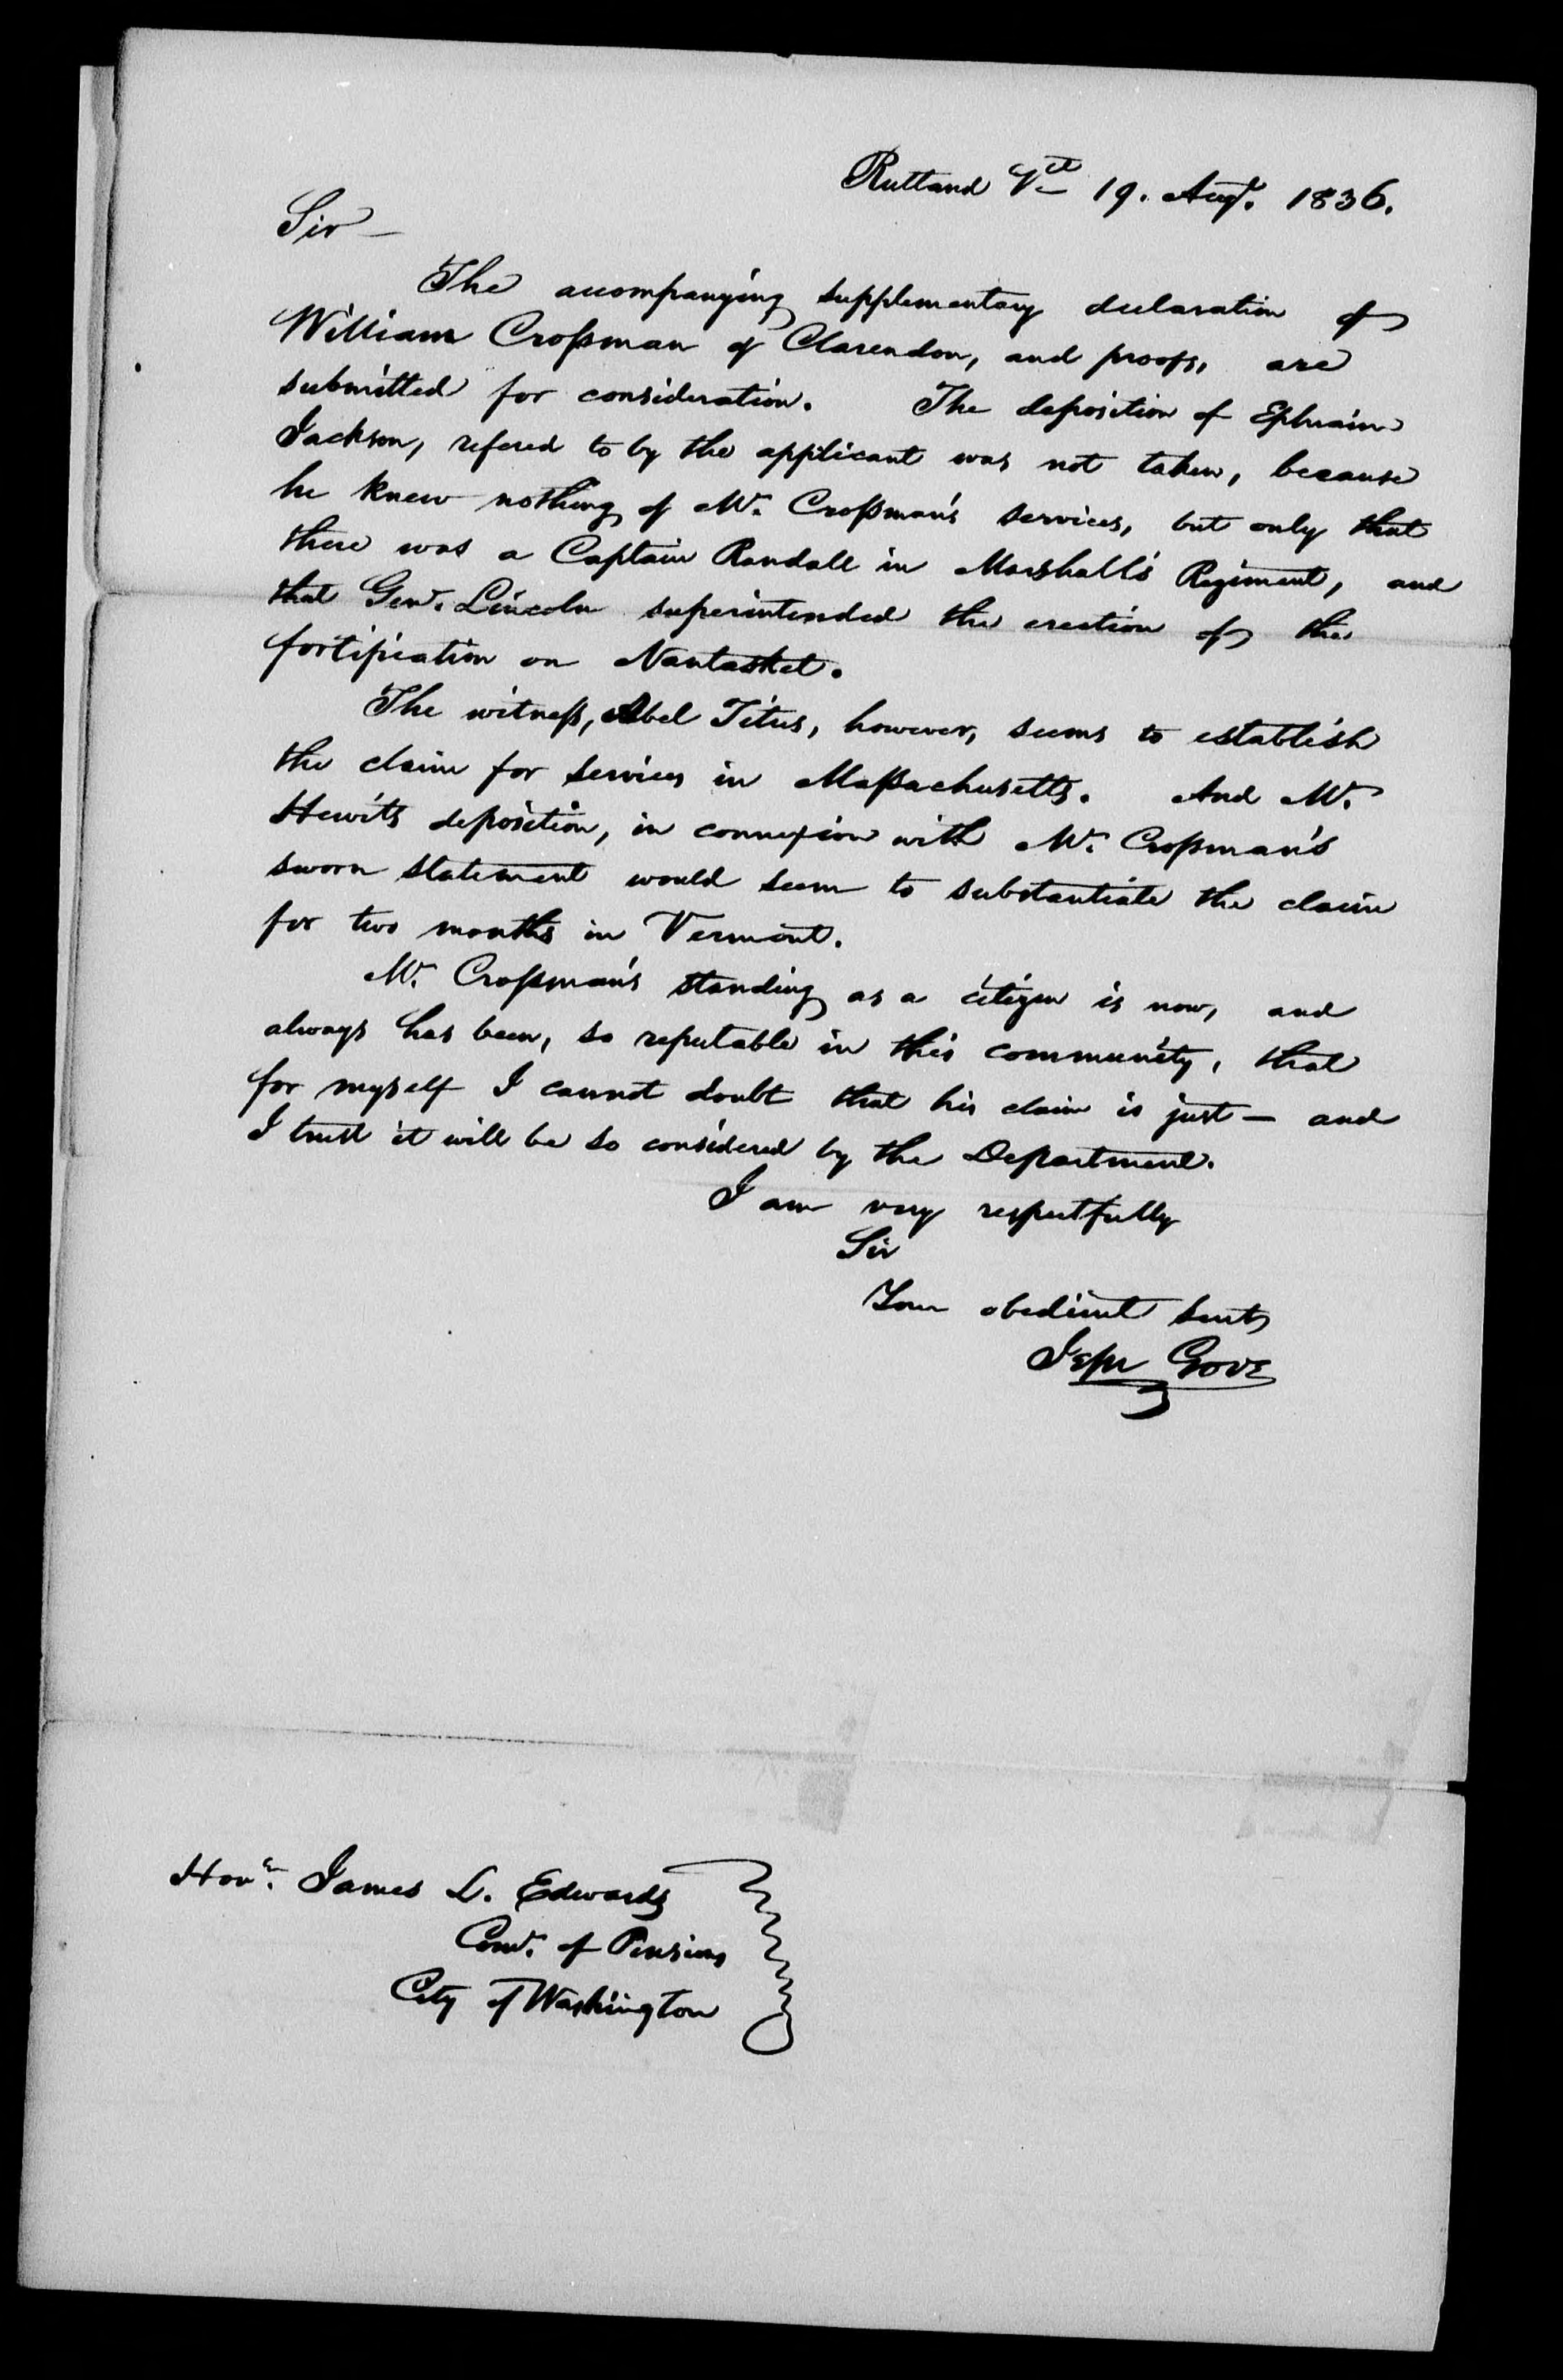[handwritten letter]
Rutland Vt. 19. Augt. 1836.

Sir - 
The accompanying supplementary declaration of William Crossman of Clarendon, and proofs, are submitted for consideration. The deposition of Ephraim Jackson, refered to by the applicant was not taken, because he knew nothing of Mr. Crossman's services, but only that there was a Captain Randall in Marshall's Regiment, and that Gen. Lincoln superintended the creation of the fortification on Nantasket. 
The witness, Abel Titus, however, seems to establish the claim for Services in Massachusetts. And Mr. Hewit's deposition, in connexion with Mr. Crossman's sworn statement would seem to substantiate the claim for two months in Vermont.
Mr. Crossman's standing as a citizen is now, and always has been, so reputable in this community, that for myself I cannot doubt that his claim is just - and I trust it will be so considered by the Department.
I am very respectfully Sir Your obedient Servt
/s/Jesse Gove

Hon'ble James L. Edwards
Com'r of Pensions
City of Washington }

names: Lincoln, Abel Titus, Jesse Gove, James L Edwards, Ephraim Jackson, Crossman, Crossman, Hewitt, Crossman, William Crossman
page: 28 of 33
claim: survivor's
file: S. 12632, William Crossman, Mass. Vt.